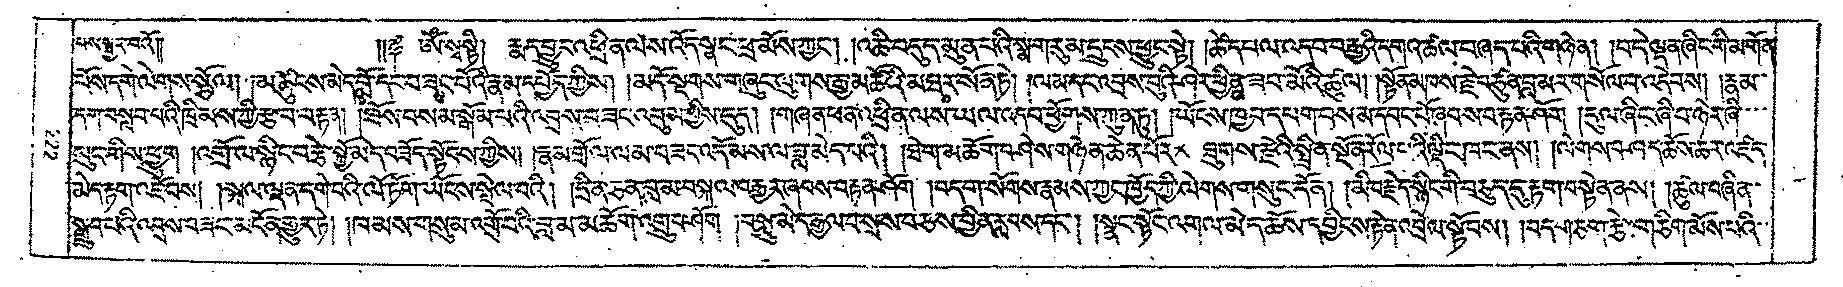པས་སྦྱར་བའོ།། །། ༈ ཨོཾ་སྭ་སྟི། རྨད་བྱུང་འཕྲིན་ལས་འོད་སྣང་ཕྲ་མོས་ཀྱང་། །འཆི་བདུད་མུན་པའི་སྨག་རུམ་དྲུངས་ཕྱུང་སྟེ། །ཚེ་དཔལ་འདབ་བརྒྱའི་དགའ་ཚལ་བཞད་པའི་གཉེན། །བདེ་ལྡན་ཞིང་གི་མགོན་
པོས་དགེ་ལེགས་སྩོལ། །མཚུངས་མེད་བློ྾་དང་བཟང྾་པོའི་རྣམ་དཔྱོད་ཀྱིས། །མདོ་སྔགས་གཞུང་ལུགས་རྒྱ་མཚོའི་མཐར྾་སོན་ཏེ། །ལམ་དང་འབྲས་བུའི་ཤེར་ཕྱིན྾་ཟབ་མོའི་ཚུལ། །སྟོན་མཁས་རྗེ་བཙུན་བླ་མར་གསོལ་བ་འདེབས། །རྣམ་
དག་བསླབ་པའི་ཁྲིམས་ཀྱི་རྩ་བ་བརྟན། །ཐོས་བསམ་སྒོམ་པའི་འབྲས་བཟང་འབུམ་གྱིས་དུད། །གཞན་ཕན་འཕྲིན་ལས་ཡལ་འདབ་ཕྱོགས་ཀུན་ཏུ། །ཡོངས་ཁྱབ་དཔག་བསམ་དབང་པོ་ཞབས་བརྟན་ཤོག །དུལ་ཞིང་ཞི་བ་ཉེར་ཞི་
ལུང་གིས་ཕྱུག །འགྲོ་ལ་སྙིང་བརྩེ་སྐྱོ་མེད་བཟོད་སྟོབས་ཀྱིས། །རྣམ་གྲོལ་ལམ་བཟང་འདོམས་ལ་ཟླ་མེད་པའི། །ཐེག་མཆོག་བཤེས་གཉེན་ཆེན་པོར་྾་ཐུགས་རྗེའི་སྤྲིན་སྔོན་རོལ་པའི་ལྡིང་ཁང་ནས། །ལེགས་བཤད་ཆོས་ཆར་འཛད་
མེད་རྟག་འཇོབས། །སྐལ་ལྡན་དགེ་བའི་ལོ་ཏོག་ཡོངས་སྤེལ་བའི། །དྲིན་ཅན་བླ་མ་བསྐལ་བརྒྱར་ཞབས་བརྟན་ཤོག །བདག་སོགས་རྣམས་ཀྱང་ཁྱོད་ཀྱི་ལེགས་གསུང་དོན། །མི་བརྗེད་སྙིང་གི་བཅུད་དུ་རྟག་བསྟེན་ནས། །ཚུལ་བཞིན་
སྒྲུབ་པའི་འབྲས་བཟང་མངོན་གྱུར་ཏེ། །ཁམས་གསུམ་འགྲོ་བའི་བླ་མ་མཆོག་འགྲུབ་ཤོག །བསླུ་མེད་རྒྱལ་བ་སྲས་བཅས་བྱིན་རླབས་དང་། །སྣང་སྟོང་འགལ་མེད་ཆོས་དབྱིངས་རྟེན་འབྲེལ་སྟོབས། །བདག་ཅག་རྩེ་གཅིག་མོས་པའི་